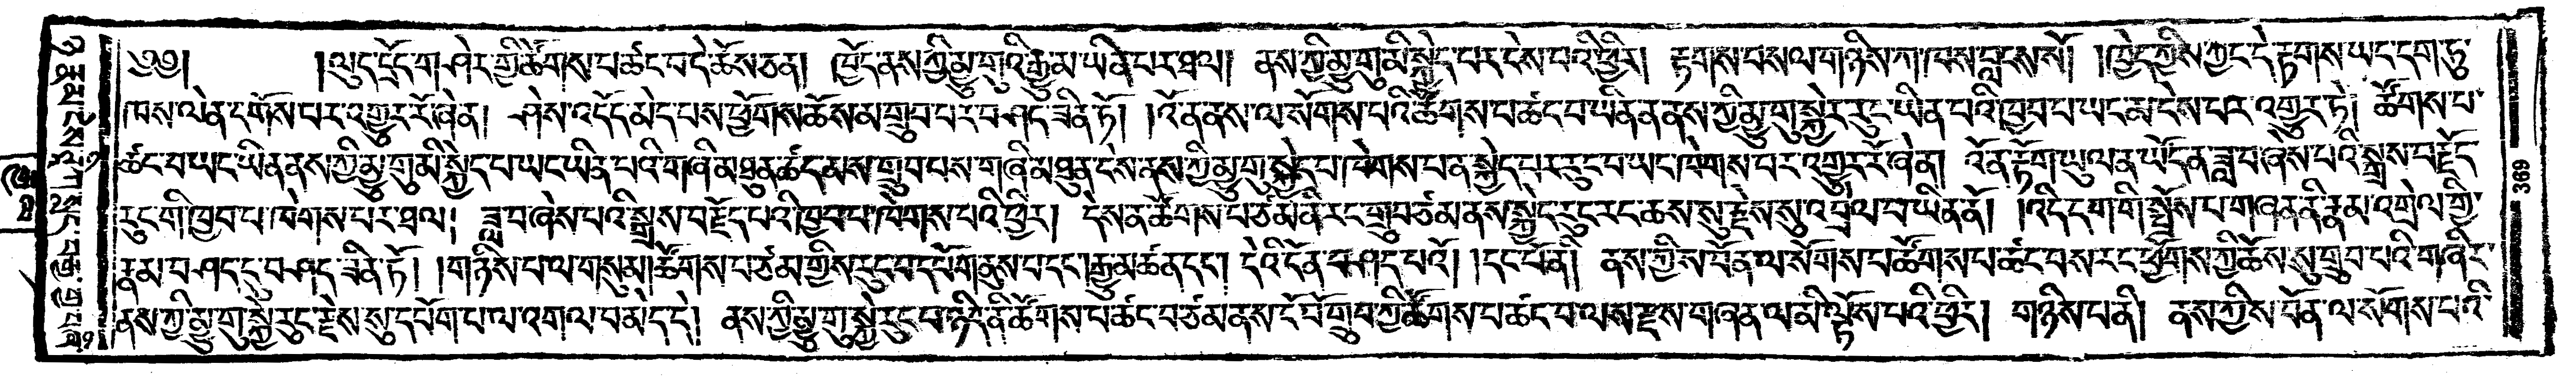༄༅། །ལུད་དྲོད་གཤེར་གྱི་ཚོགས་པ་ཚང་བ་དེ་ཆོས་ཅན། ཁྱོད་ནས་ཀྱི་མྱུ་གུའི་རྒྱུ་མ་ཡིན་པར་ཐལ། ནས་ཀྱི་མྱུ་གུ་མི་སྐྱེད་པར་ངེས་པའི་ཕྱིར། རྟགས་བསལ་གཉིས་ཀ་ཁས་བླངས་སོ། །ཁྱེད་ཀྱིས་ཀྱང་དེ་རྟགས་ཡང་དག་ཏུ་
ཁས་ལེན་དགོས་པར་འགྱུར་རོ་ཞེ་ན། ཤེས་འདོད་མེད་པས་ཕྱོགས་ཆོས་མ་གྲུབ་པར་བཤད་ཟིན་ཏོ། །འོ་ན་ནས་ལ་སོགས་པའི་ཚོགས་པ་ཚང་བ་ཡིན་ན་ནས་ཀྱི་མྱུ་གུ་སྐྱེར་རུང་ཡིན་པའི་ཁྱབ་པ་ཡང་མ་ངེས་པར་འགྱུར་ཏེ། ཚོགས་པ་
ཚང་བ་ཡང་ཡིན་ནས་ཀྱི་མྱུ་གུ་མི་སྐྱེད་པ་ཡང་ཡིན་པའི་གཞི་མཐུན་ཚད་མས་གྲུབ་པས་གཞི་མཐུན་ངེས་ནས་ཀྱི་མྱུ་གུ་སྐྱེད་པ་ཁེགས་པ་ན་སྐྱེད་པར་རུང་བ་ཡང་ཁེགས་པར་འགྱུར་རོ་ཞེ་ན། འོ་ན་རྟོག་ཡུལ་ན་ཡོད་ན་ཟླ་བ་ཞེས་པའི་སྒྲས་བརྗོད་
རུང་གི་ཁྱབ་པ་ཁེགས་པར་ཐལ། ཟླ་བ་ཞེས་པའི་སྒྲས་བརྗོད་པའི་ཁྱབ་པ་ཁེགས་པའི་ཕྱིར། དེས་ན་ཚོགས་པ་ཙམ་ནི་རང་གྲུབ་ཙམ་ནས་སྐྱེད་རུང་རང་ཆས་སུ་རྗེས་སུ་འབྲེལ་བ་ཡིན་ནོ། །འདི་དག་གི་སྤྲོས་པ་གཞན་ནི་རྣམ་འགྲེལ་གྱི་
རྣམ་བཤད་དུ་བཤད་ཟིན་ཏོ། །གཉིས་པ་ལ་གསུམ། ཚོགས་པ་ཙམ་གྱིས་རུང་བ་དཔོག་ནུས་པ་དང་། རྒྱུ་མཚན་དང་། དེའི་དོན་བཤད་པའོ། །དང་པོ་ནི། ནས་ཀྱི་ས་བོན་ལ་སོགས་པ་ཚོགས་པ་ཚང་བས་རང་ཕྱོགས་ཀྱི་ཆོས་སུ་གྲུབ་པའི་གཞིར་
ནས་ཀྱི་མྱུ་གུ་སྐྱེ་རུང་རྗེས་སུ་དཔོག་པ་ལ་འགལ་བ་མེད་དེ། ནས་ཀྱི་མྱུ་གུ་སྐྱེ་རུང་བ་ཉིད་ནི་ཚོགས་པ་ཚང་བ་ཙམ་ནས་ངོ་བོ་གྲུབ་ཀྱི་ཚོགས་པ་ཚང་བ་ལས་རྫས་གཞན་ལ་མི་ལྟོས་པའི་ཕྱིར། གཉིས་པ་ནི། ནས་ཀྱི་ས་བོན་ལ་སོགས་པའི་